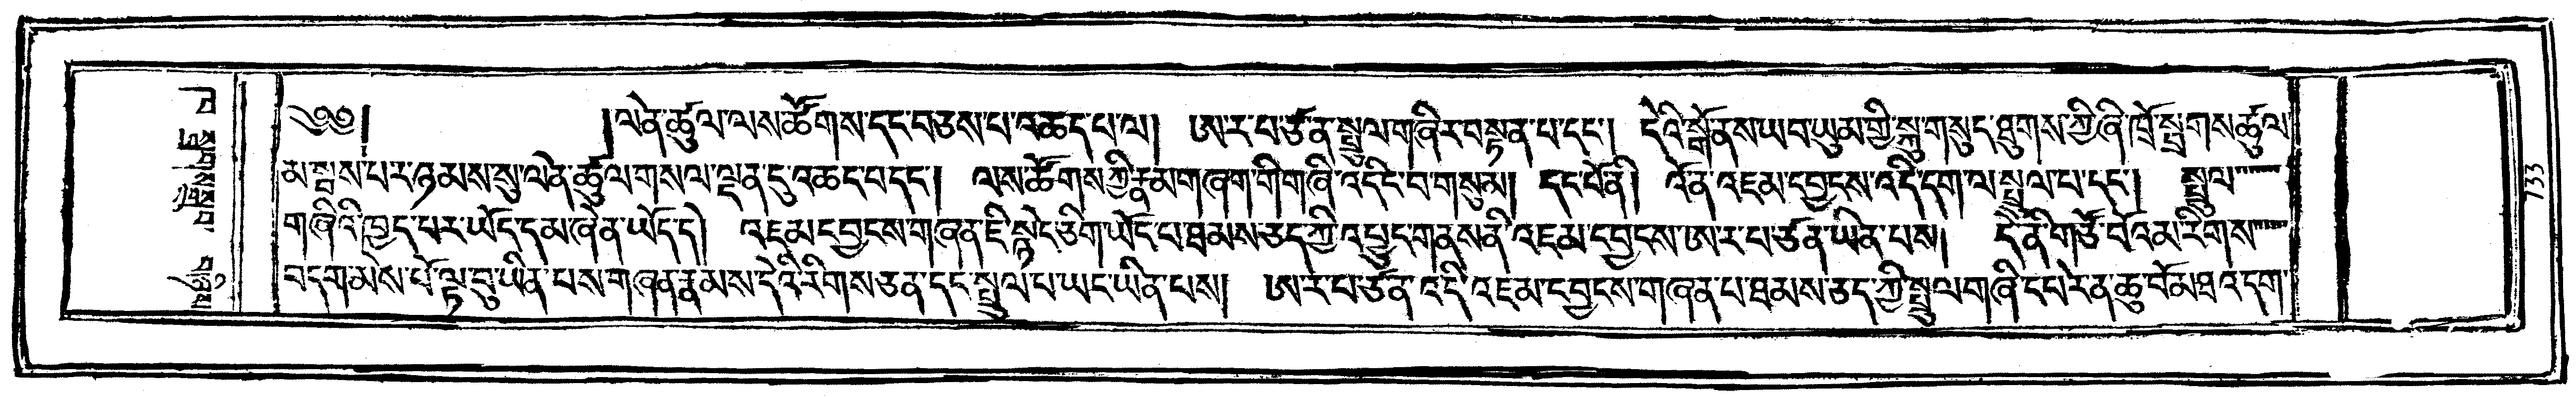༄༅། །ལེན་ཚུལ་ལས་ཚོགས་དང་བཅས་པ་འཆད་པ་ལ། ཨ་ར་པ་ཙ་ན་སྤྲུལ་གཞིར་བསྟན་པ་དང་། དེའི་སྒོ་ནས་ཡབ་ཡུམ་གྱི་སྐུ་གསུང་ཐུགས་ཀྱི་ཞི་ཁྲོ་སྦྲགས་ཚུལ་
མ་སྤས་པར་ཉམས་སུ་ལེན་ཚུལ་གསལ་ལྡན་དུ་འཆང་བ་དང་། ལས་ཚོགས་ཀྱི་རྣམ་གཞག་གི་གཞི་འདིང་པ་གསུམ། དང་པོ་ནི། འོ་ན་འཇམ་དབྱངས་འདི་དག་ལ་སྤྲུལ་པ་དང་། སྤྲུལ་
གཞིའི་ཁྱད་པར་ཡོད་དམ་ཞེན་ཡོད་དེ། འཇམ་དབྱངས་གཞན་ཇི་སྙེད་ཅིག་ཡོད་པ་ཐམས་ཅད་ཀྱི་འབྱུང་གནས་ནི་འཇམ་དབྱངས་ཨ་ར་པ་ཙ་ན་ཡིན་པས། དེ་ནི་གཙོ་བོའམ་རིགས་
བདག་མེས་པོ་ལྟ་བུ་ཡིན་པས་གཞན་རྣམས་དེའི་རིགས་ཅན་དང་སྤྲུལ་པ་ཡང་ཡིན་པས། ཨ་ར་པ་ཙ་ན་འདི་འཇམ་དབྱངས་གཞན་པ་ཐམས་ཅད་ཀྱི་སྤྲུལ་གཞི་དཔེར་ན་ཆུ་བོ་མཐའ་དག་